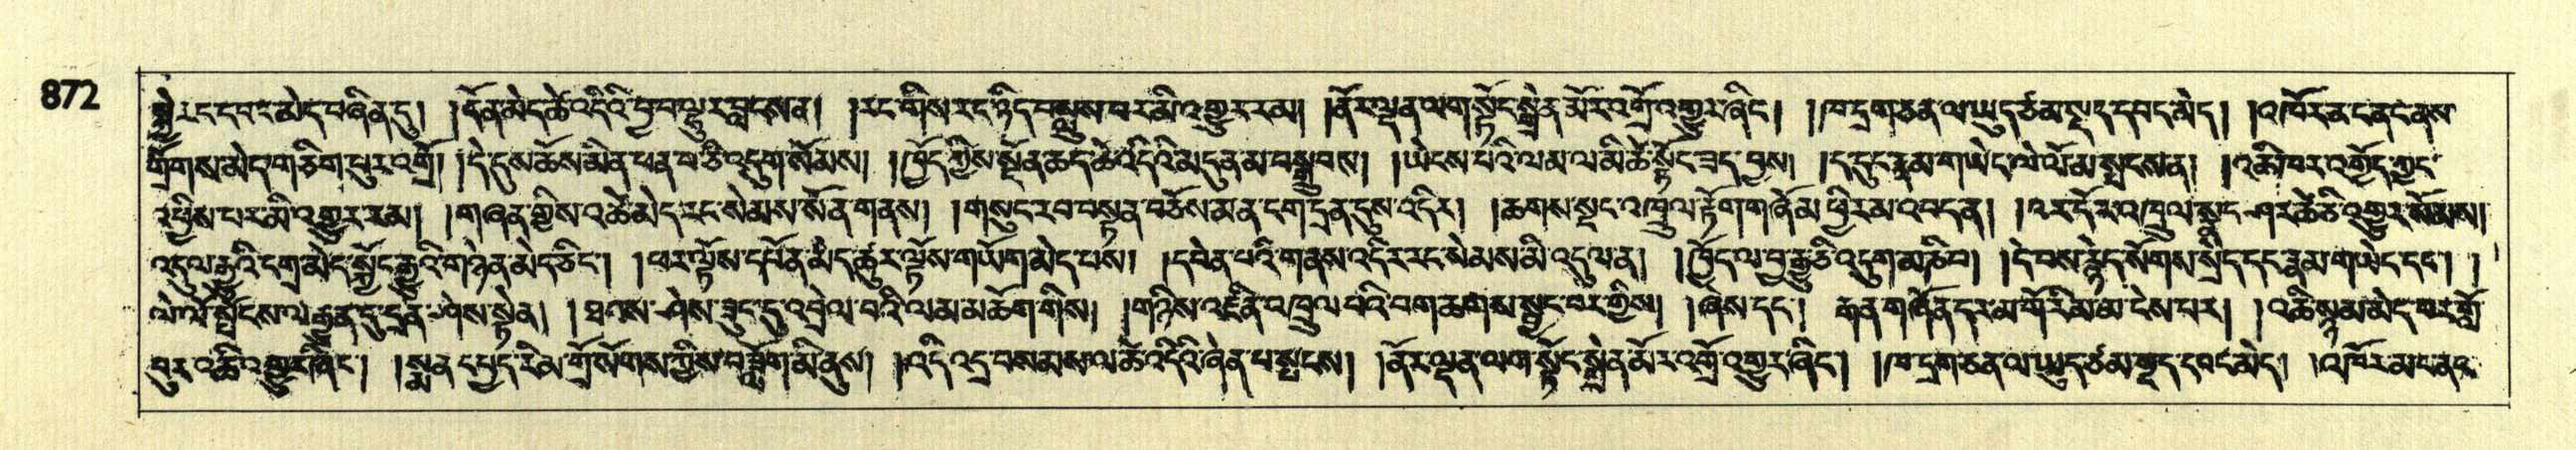སྐྱེ་རང་དབང་མེད་བཞིན་དུ། །དོན་མེད་ཚེ་འདིའི་བྱ་བ་ལྷུར་བླངས་ན། །རང་གིས་རང་ཉིད་བསླུས་བར་མི་འགྱུར་རམ། །ནོར་ལྡན་ལག་སྟོང་སྒྲེན་མོར་འགྲོ་འགྱུར་ཞིང་། །ཁ་དྲག་ཅན་ལ་ཡུད་ཙམ་སྡད་དབང་མེད། །འཁོར་ན་ངན་པ་ནས་
གྲོགས་མེད་གཅིག་པུར་འགྲོ། །དེ་དུས་ཆོས་མིན་ཕན་བ་ཅི་འདུག་སོམས། །ཁྱོད་ཀྱིས་སྔོན་ཆད་ཚེ་འདིའི་མདུན་མ་བསྒྲུབས། །ཡེངས་པའི་ལམ་ལ་མི་ཚེ་སྟོང་ཟད་བྱས། །ད་དུང་རྣམ་གཡེང་ལེ་ལོ་མ་སྤངས་ན། །འཆི་ཁར་འགྱོད་ཀྱང་
འཕྱིས་པར་མི་འགྱུར་རམ། །གཞན་གྱིས་འཚེ་མེད་རང་སེམས་སོན་གནས། །གསུང་རབ་བསྟན་བཅོས་མན་ངག་དྲན་དུས་འདིར། །ཆགས་སྡང་འཁྲུལ་རྟོག་གཞོམ་ཕྱིར་མ་འབད་ན། །བར་དོར་འཁྲུལ་སྣང་ཤར་ཚེ་ཅི་འགྱུར་སོམས།
འདུལ་རྒྱུའི་དགྲ་མེད་སྐྱོང་རྒྱུའི་གཉེན་མེད་ཅིང་། །ཕར་ལྟོས་དཔོན་མེད་ཚུར་ལྟོས་གཡོག་མེད་པས། །དབེན་པའི་གནས་འདིར་རང་སེམས་མི་འདུལ་ན། །ཁྱོད་ལ་བྱ་རྒྱུ་ཅི་འདུག་མ་ཎི་བ། །དེ་བས་རྙེད་སོགས་སྲེད་དང་རྣམ་གཡེང་དང་། །
ལེ་ལོ་སྤོངས་ལེ་རྒྱུན་དུ་དྲན་ཤེས་སྟེན། །ཐབས་ཤེས་ཟུང་དུ་འབྲེལ་བའི་ལམ་མཆོག་གིས། །གཉིས་འཛིན་འཁྲུལ་པའི་བག་ཆགས་སྦྱང་བར་གྱིས། །ཞེས་དང་། རྒན་གཞོན་དར་མ་གོ་རིམ་མ་ངེས་པར། །འཆི་སྙམ་མེད་བར་གློ་
བུར་འཆི་འགྱུར་ཞིང་། །སྨན་དཔྱད་རིམ་གྲོ་སོགས་ཀྱིས་བཟློག་མི་ནུས། །འདི་འདྲ་བསམས་ལ་ཚེ་འདིའི་ཞེན་པ་སྤངས། །ནོར་ལྡན་ལག་སྟོང་སྒྲེན་མོར་འགྲོ་འགྱུར་ཞིང་། །ཁ་དྲག་ཅན་ལ་ཡུད་ཙམ་སྡད་དབང་མེད། །འཁོར་མང་ནལ?